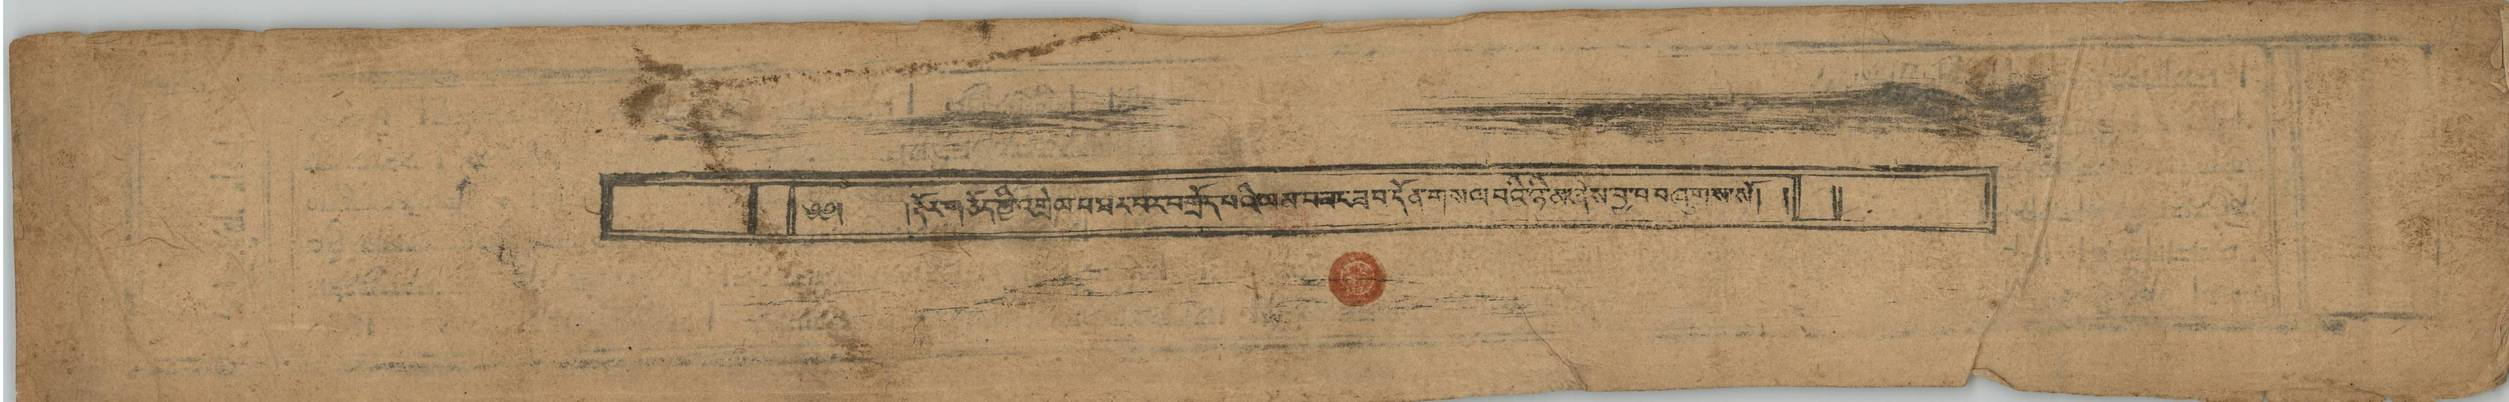༄༅། །རྡོར་གཅོད་ཀྱི་འགྲེལ་པ་ཐར་པར་བགྲོད་པའི་ལམ་བཟང་ཟབ་དོན་གསལ་བའི་ཉི་མ་ཞེས་བྱ་བཞུགས་སོ། །